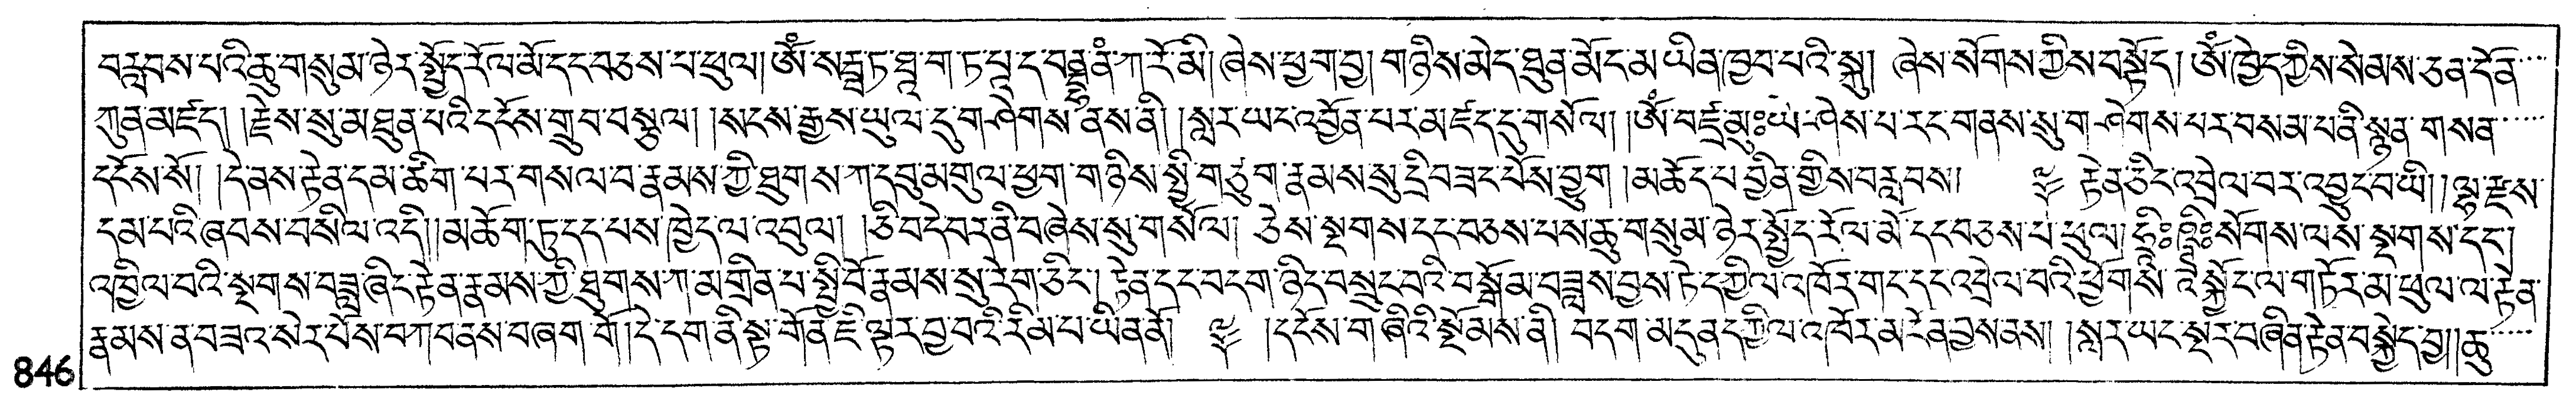བརླབས་པའི་ཆུ་གསུམ་ཉེར་སྤྱོད་རོལ་མོ་དང་བཅས་པ་ཕུལ། ཨོཾ་སརྦྦ་ཏ་ཐཱ་ག་ཏ་པཱ་ད་བནྡྷ་ནཾ་ཀ་རོ་མི། ཞེས་ཕྱག་བྱ། གཉིས་མེད་ཐུན་མོང་མ་ཡིན་ཁྱབ་པའི་སྐུ། ཞེས་སོགས་ཀྱིས་བསྟོད། ཨོཾ་ཁྱེད་ཀྱིས་སེམས་ཅན་དོན་
ཀུན་མཛད། །རྗེས་སུ་མཐུན་པའི་དངོས་གྲུབ་བསྩལ། །སངས་རྒྱས་ཡུལ་དུ་གཤེགས་ནས་ནི། །སླར་ཡང་འབྱོན་པར་མཛད་དུ་གསོལ། །ཨོཾ་བཛྲ་མུཿ ཡེ་ཤེས་པ་རང་གནས་སུ་གཤེགས་པར་བསམ་པ་ནི་སྙན་གསན་
དངོས་སོ། །དེ་ནས་རྟེན་དམ་ཚིག་པར་གསལ་བ་རྣམས་ཀྱི་ཐུགས་ཀ་དབུ་མགུལ་ཕྱག་གཉིས་སྤྱི་གཙུག་རྣམས་སུ་དྲི་བཟང་པོས་བྱུག །མཆོད་པ་བྱིན་གྱིས་བརླབས། ༈ རྟེན་ཅིང་འབྲེལ་བར་འབྱུང་བ་ཡི། །ལྷ་རྫས་
དམ་པའི་ཞབས་བསིལ་འདི། །མཆོག་ཏུ་དད་པས་ཁྱེད་ལ་འབུལ། །ཅི་བདེ་བར་ནི་བཞེས་སུ་གསོལ། ཅེས་སྔགས་དང་བཅས་པས་ཆུ་གསུམ་ཉེར་སྤྱོད་རོལ་མོ་དང་བཅས་པ་ཕུལ། ཧྲཱིཿ ཥྚྲཱིཿ སོགས་ལས་སྔགས་དང་།
འཁྱིལ་བའི་སྔགས་བཟླ་ཞིང་རྟེན་རྣམས་ཀྱི་ཐུགས་ཀ་མགྲིན་པ་སྤྱི་བོ་རྣམས་སུ་རེག་ཅིང་། རྟེན་དང་བདག་ཉིད་བསྲུང་བའི་བསྒོམ་བཟླས་བྱས་ཏེ་དཀྱིལ་འཁོར་གང་དང་འབྲེལ་བའི་ཕྱོགས་སྐྱོང་ལ་གཏོར་མ་ཕུལ་ལ་རྟེན་
རྣམས་ན་བཟའ་སེར་པོས་བཀབ་ནས་བཞག་གོ །དེ་དག་ནི་སྟ་གོན་ཇི་ལྟར་བྱ་བའི་རིམ་པ་ཡིན་ནོ། ༈ །དངོས་གཞིའི་སྡོམས་ནི། བདག་མདུན་དཀྱིལ་འཁོར་མངོན་བྱས་ནས། །སླར་ཡང་སྔར་བཞིན་རྟེན་བསྐྱེད་བྱ། །ཆུ་